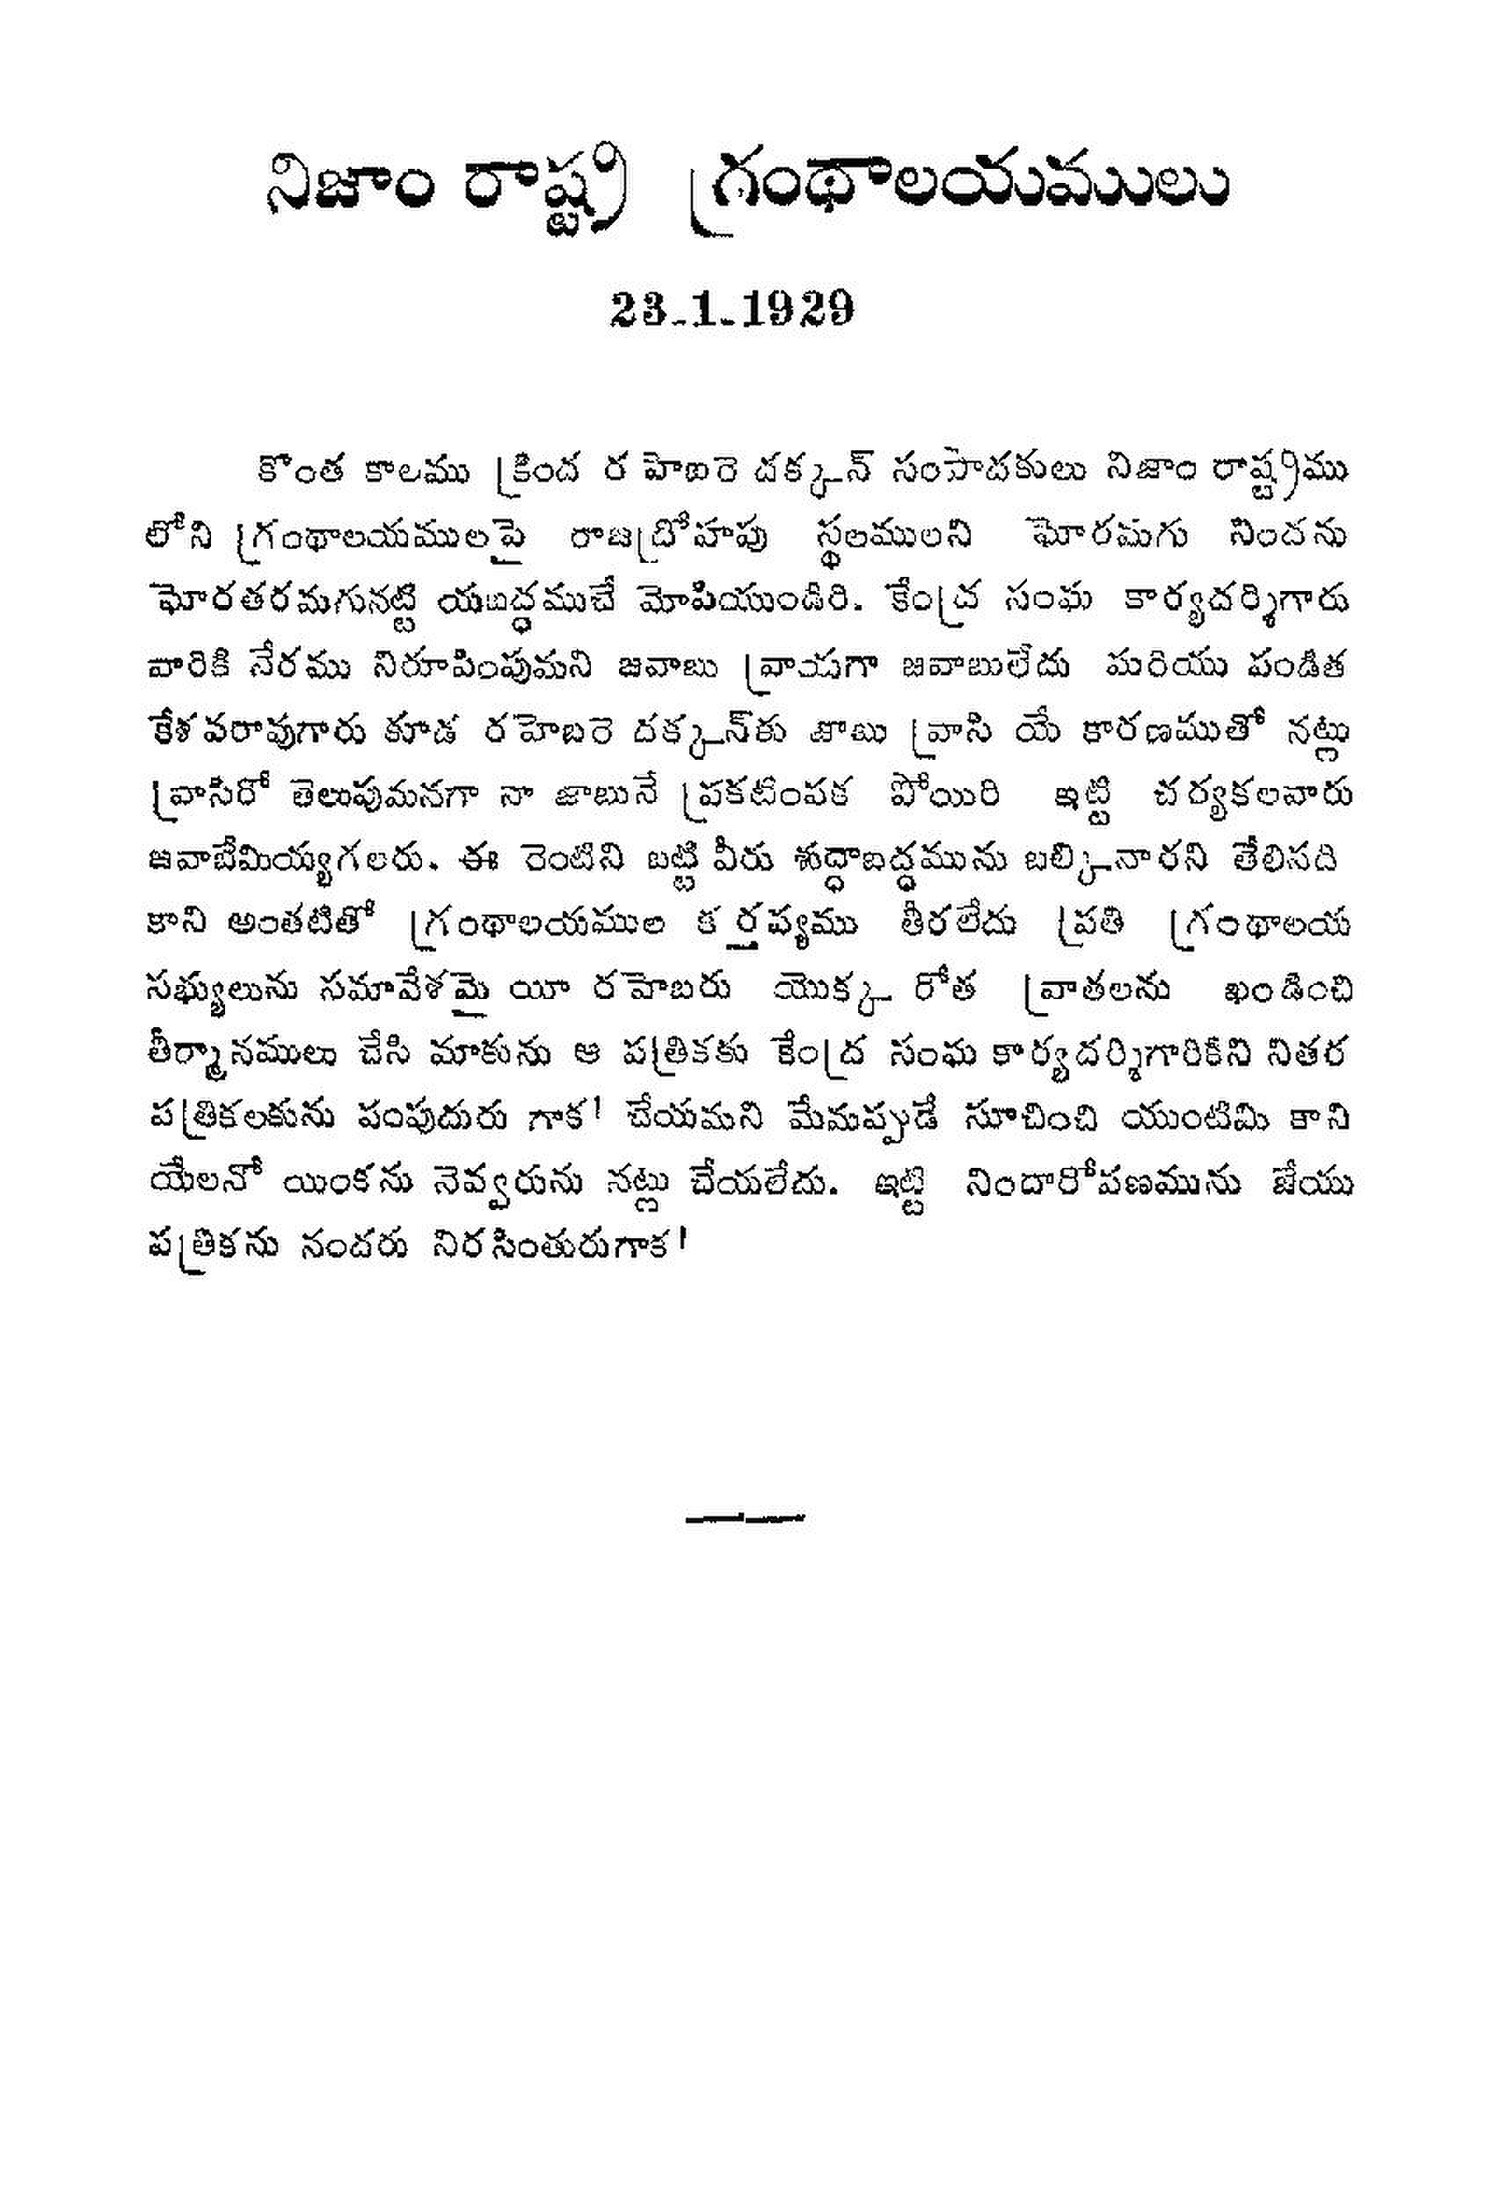నిజాం రాష్ట్ర గ్రంథాలయములు

23 - 1 - 1929

కొంత కాలము క్రింద రహెబరె దక్కన్ సంపాదకులు నిజాం రాష్ట్రములోని గ్రంథాలయములపై రాజద్రోహపు స్థలములని ఘోరమగు నిందను ఘోరతరమగునట్టి యుద్ధముచే మోపియుండిరి. కేంద్ర సంఘ కార్యదర్శిగారు
వారికి నేరము నిరూపింపుమని జవాబు వ్రాయగా జవాబులేదు మరియు పండిత కేశవరావుగారు కూడ రహెబరె దక్కన్‌కు జాబు వ్రాసి యే కారణముతో నట్లు వ్రాసిరో తెలుపుమనగా నా జాబునే ప్రకటింపక పోయిరి ఇట్టి చర్యకలవారు జవాబేమియ్యగలరు. ఈ రెంటిని బట్టి వీరు శుద్ధాబద్ధమును బల్కినారని తేలినది కాని అంతటితో గ్రంథాలయముల కర్తవ్యము తీరలేదు ప్రతి గ్రంథాలయ సభ్యులును సమావేశమై యీ రహెబరు యొక్క రోత వ్రాతలను ఖండించి తీర్మానములు చేసి మాకును ఆ పత్రికకు కేంద్ర సంఘ కార్యదర్శిగారికిని నితర పత్రికలకును పంపుదురు గాక! చేయమని మేమప్పుడే సూచించి యుంటిమి కాని యేలనో యింకను నెవ్వరును నట్లు చేయలేదు. ఇట్టి నిందారోపణమును జేయు పత్రికను నందరు నిరసింతురుగాక!